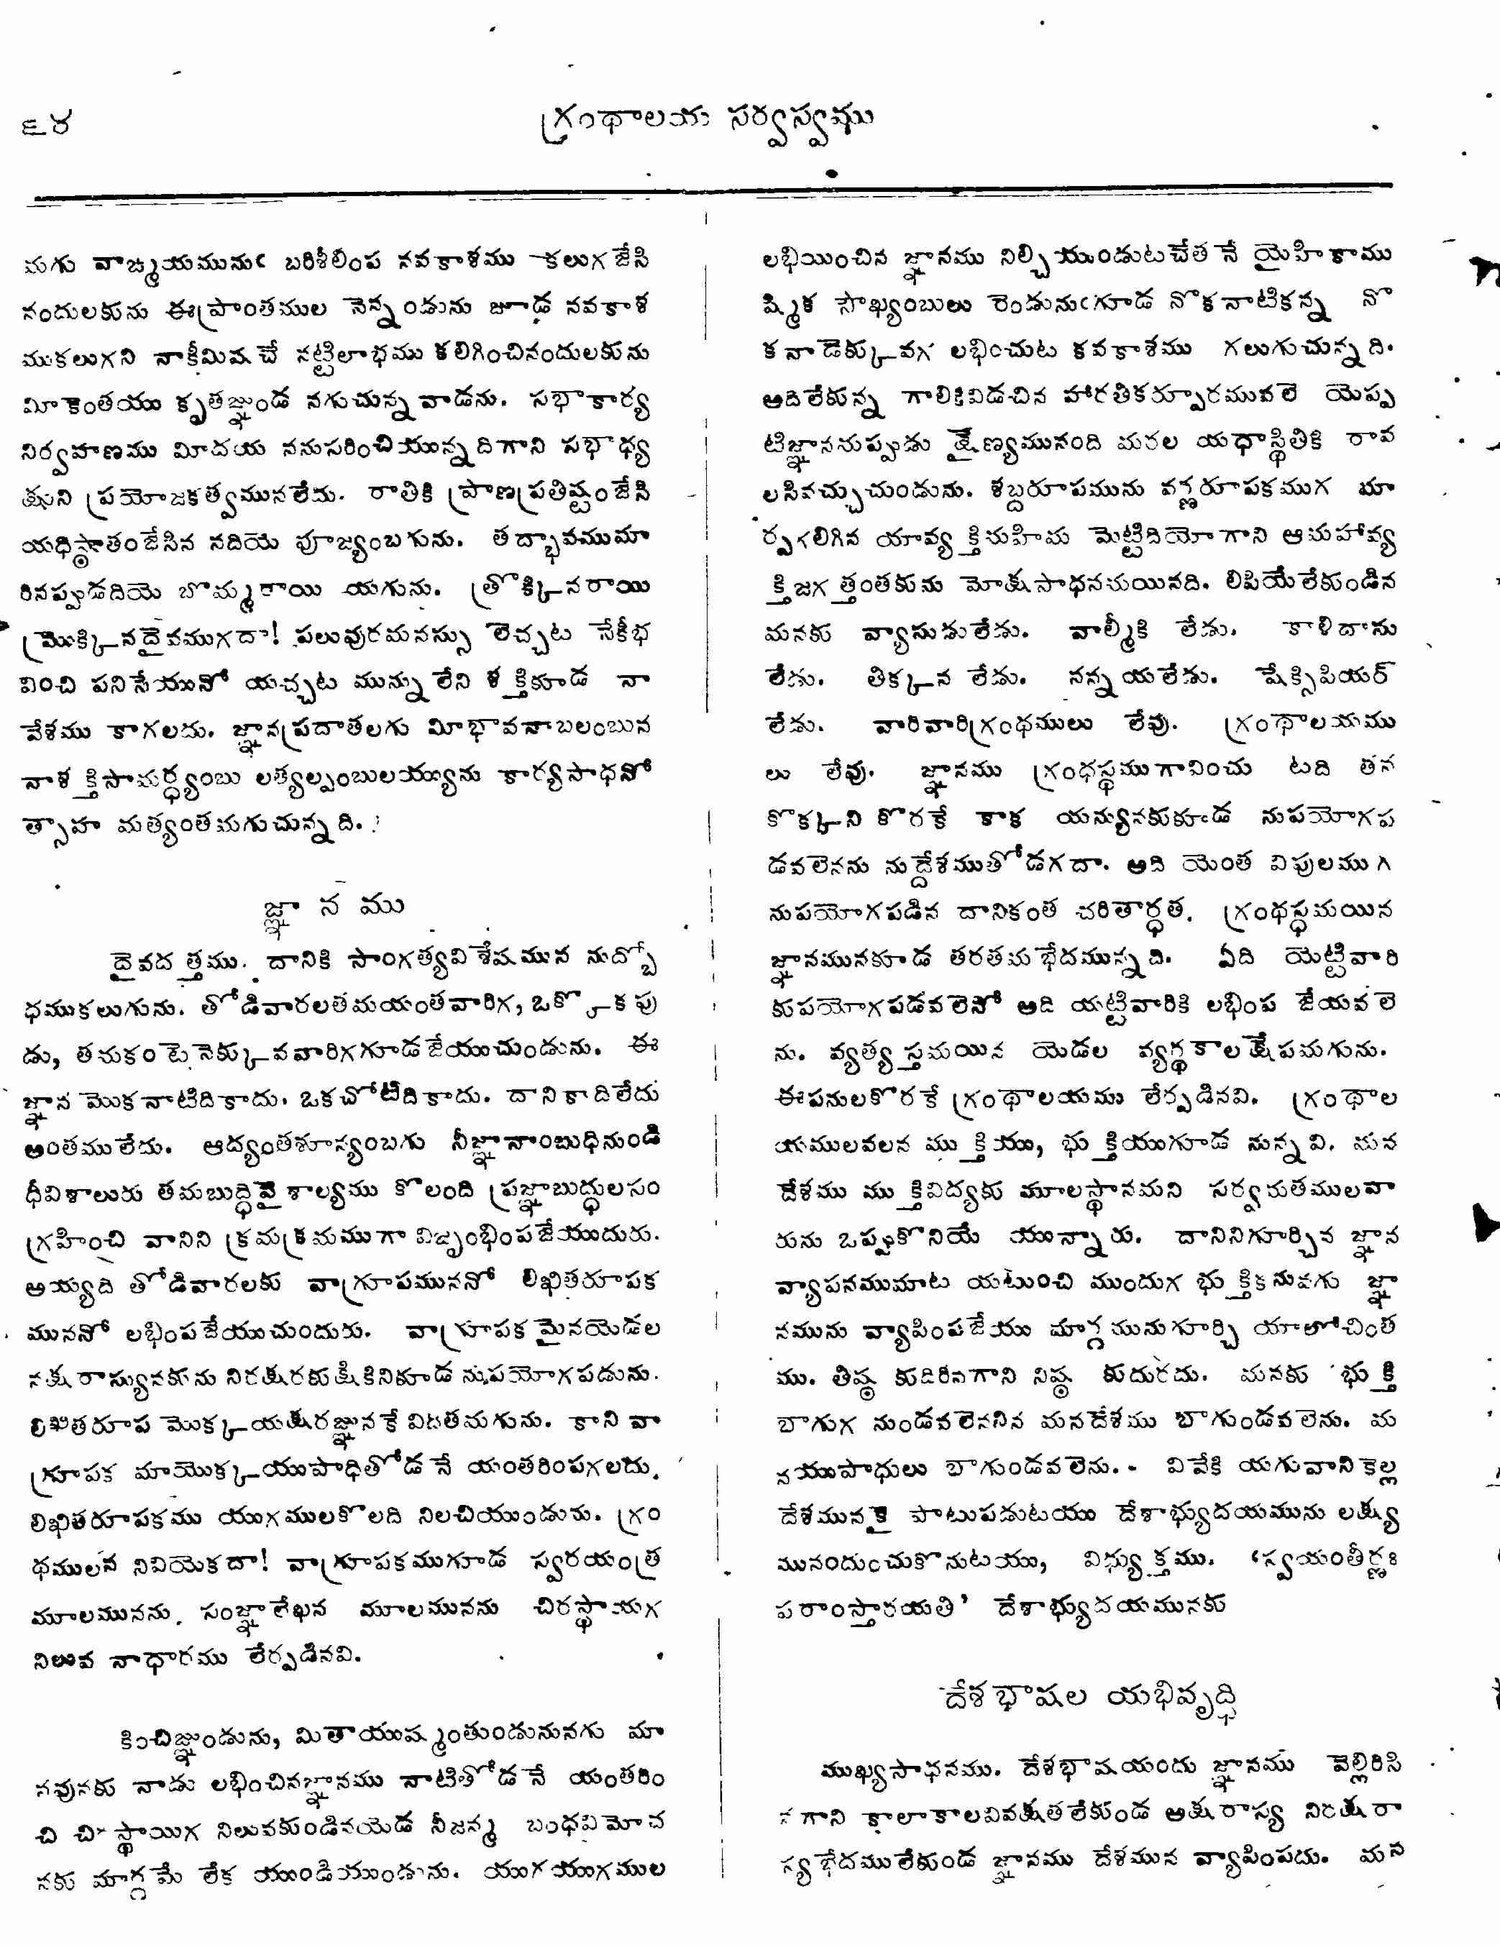మగు వాఙ్మయమునుఁ బరిశీలింప నవకాశము కలుగజేసినందులకును ఈప్రాంతముల నెన్నండును జూడ నవకాశముకలుగని నాకీమిషచే నట్టిలాభము కలిగించినందులకును మీ కెంతయు కృతజ్ఞుండ నగుచున్నవాడను. సభాకార్యనిర్వహణము మీదయ ననుసరించి యున్నదిగాని సభాధ్యక్షుని ప్రయోజకత్వమునలేదు. రాతికి ప్రాణప్రతిష్టంజేసి యధిష్ఠాతంజేసిన నదియ పూజ్యంబగును. తద్భావము మారినప్పుడదియె బొమ్మరాయి యగును. త్రొక్కిన రాయి మ్రొక్కిన దైవముగదా! పలువురుమనస్సు లెచ్చట 
సేకీభవించి పనిసేయునో యచ్చట మున్నులేని శక్తికూడ నావేశము కాగలదు. జ్ఞానప్రదాతలగు మీ భావనాబలంబున నాశక్తి
సామర్ధ్యంబు లత్యల్పంబులయ్యును కార్యసాధనోత్సాహ మత్యంతమగుచున్నది.

 
దైవదత్తము దానికి సాంగత్యవిశేషమున నుద్బోధముకలుగును, తోడివారలతమయంతవారిగా, ఒక్కొకపుడు, తనుకంటె 
నెక్కువవారిగగూడజేయుచుండును. ఈ జ్ఞాన మొకనాటిది కాదు. ఒక చోటిది కాదు. దాని కాది లేదు అంతము లేదు. ఆద్యంత శూన్యంబగు నీజ్ఞానాంబుధినుండి ధీవిశాలురు తమబుద్ధి వైశాల్యము కొలంది ప్రజ్ఞాబుద్ధులసంగ్రహించి వానిని క్రమక్రమముగా విజృంభింపజేయుదురు. అయ్యది తోడివారలకు వాగ్రూపముననో లిఖితరూపకముననో లభింపజేయుచుందురు. వాగ్రూపక మైనయెడల నక్షరాస్యునకును నిరక్షరకుక్షికినికూడ నుపయోగపడును. లిఖితరూప మొక్కయరజ్జునకే విదితమగును. కాని వా
గ్రూపక మాయొక్క యుపాధితోడ నే అంతరింపగలదు. లిఖితరూపకము యుగములకొలది నిలచియుండును. గ్రంధములన నివియెకదా! వాగ్రూపకము గూడ స్వరయంత్ర మూలమునను, 'సంజ్ఞా లేఖన మూలమునను చిరస్థాయగ నిలువ నాధారము లేర్పడినవి.

కించిజ్ఞుండును, మితాయుష్మంతుండునునగు మానవునకు నాడు లభించిన జ్ఞానము నాటితోడనే యంతరంచి చిరస్థాయిగ నిలువకుండినయెడ నీ జన్మ బంధవిమోచనకు మార్గమే లేక యుండియుండును. యుగయుగముల లభియించిన జ్ఞానము నిల్చియుండుట చేతనే యైహికాముష్మిక సౌఖ్యంబులు రెండునుఁ గూడ నొక నాటికన్న నొకనాడెక్కువ లభించుట కవకాశము గలుగుచున్నది. ఆదిలేకున్న గాలికివిడచిన హారతికర్పూరమువలె యెప్పటిజ్ఞాననుప్పుడు శ్రేణ్యమునంది మరల యధాస్థితికి 
రావలసివచ్చుచుండును. శబ్దరూపమును వర్ణరూపకముగ మార్పగలిగిన యావ్యక్తిమహిమ మెట్టిదియోగాని ఆమహావ్యక్తి జగత్తంతకును మోక్షసాధనకుయినది. లిపియే లేకుండిన మనకు వ్యాసుడులేడు. వాల్మీకి లేడు. కాళిదాను లేడు. తిక్కన లేడు. నన్నయలేడు. షేక్స్పియర్ లేడు. వారివారి గ్రంధములు లేవు. గ్రంథాలయము లేవు. జ్ఞానము గ్రంధస్థముగావించు టది తన కొక్కని కొరకే కాక యన్యునకు కూడ నుపయోగపడవలెనను నుద్దేశముతోడగదా. అది యెంత విపులముగ నుపయోగపడిన దానికంత చరితార్ధత. గ్రంథస్థమయిన జ్ఞానమునకూడ తమతమ భేదమున్నది. ఏది యెట్టివారి కుపయోగపడవలెనో అది యట్టివారికి లభింప 
జేయవలెను. వ్యత్యస్తమయిన యెడల వ్యర్థకాలక్షేపమగును. ఈపనులకొరకే గ్రంథాలయము లేర్పడినవి. గ్రంథాలయములవలన ముక్తియు, భుక్తియుగూడ నున్నవి. మన దేశము ముక్తివిద్యకు మూలస్థానమని సర్వమతములవాకును ఒప్పుకొనియే యున్నారు. దానినిగూర్చిన జ్ఞాన వ్యాపనముమాట యటుంచి ముందుగ భుక్తికనుఁగు జ్ఞానమును వ్యాపింపజేయు మార్గమును గూర్చి 
యాలోచింతము. తిష్ఠ కుదిరిన గాని నిష్ఠ కుదురదు. మనకు భుక్తి బాగుగ నుండవలెననిన మనదేశము బాగుండవలెను. 
మనయుపాధులు బాగుండవలెను. వివేకి యగువానికెల్ల దేశమునకై పాటుపడుటయు దేశాభ్యుదయమును లక్ష్యమునందుంచు కొనుటయు, విధ్యుక్తము. 'స్వయంతీర్ణః పరాంస్తారయతి' దేశాభ్యుదయమునకు.

ముఖ్యసాధనము. దేశభాషయందు జ్ఞానము వెల్లిరిసిన గాని కాలాకాలవివక్షత లేకుండ అక్షరాస్య నిరక్ష్నిరాస్యభేదము లేకుండ జ్ఞానము దేశమున వ్యాపింపదు. మన